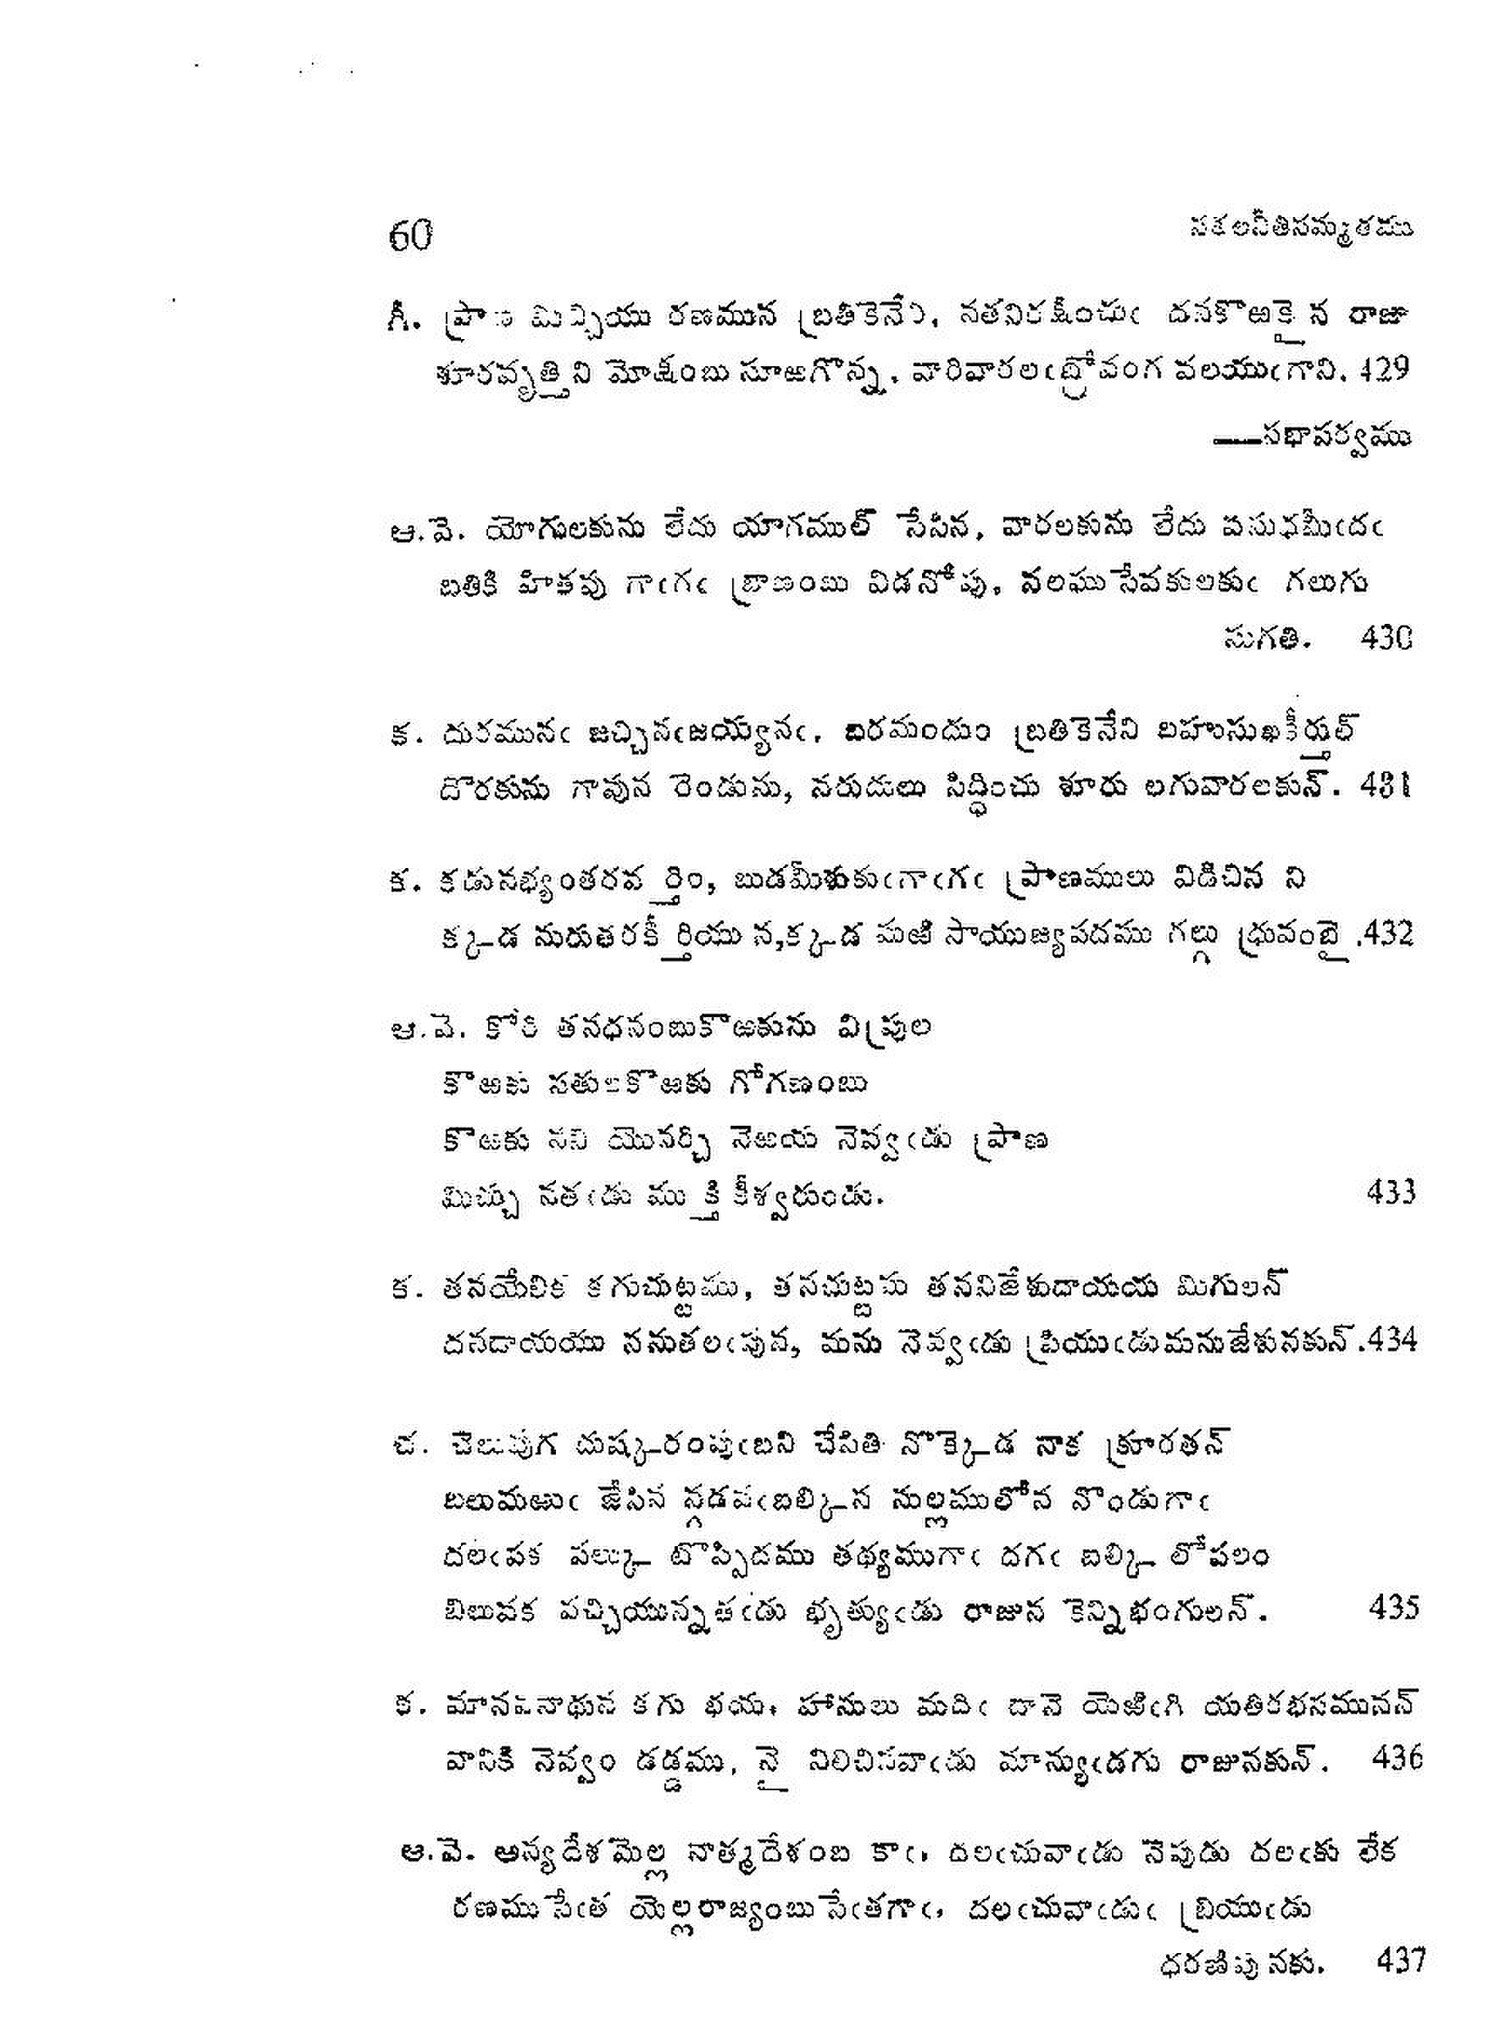గీ. ప్రాణ మిచ్చియు రణమున బ్రతికెనేని
నతని రక్షించుఁ దనకొఱకైన రాజు
శూరవృత్తిని మోక్షంబు సూఱగొన్న
వారివారలఁ బ్రోవంగవలయుఁ గాని. 429

ఆ. యోగులకును లేదు యాగముల్ సేసిన
వారలకును లేదు వసుధమీఁదఁ
బతికి హితవు గాఁగఁ బ్రాణంబు విడనోపు
నలఘుసేవకులకుఁ గలుగు సుగతి. 430

క. దురమునఁ జచ్చినఁ జయ్యనఁ
బరమందుం బ్రతికెనేని బహుసుఖకీర్తుల్
దొరకును గావున రెండును
నరుదులు సిద్ధించు శూరు లగువారలకున్. 431

క. కడునభ్యంతరవర్తిం
బుడమీశుకుఁ గాఁగఁ ప్రాణములు విడిచిన నీ
క్కడ నురుతరకీర్తియు న
క్కడ మఱి సాయుజంయపదము గల్గు ధ్రువంబై. 432

ఆ. కోరి తనధనంబుకొఱకును విప్రుల
కొఱకు సతులకొఱకు గోగణంబు
కొఱకు నని యొనర్చి నెఱయు నెవ్వఁడు ప్రాణ
మిచ్చు నతఁడు ముక్తి కీశ్వరుండు. 433

క. తనయేలిక కగు చుట్టము
తనచుట్టను తననిజేశుదాయయ మిగులన్
దనదాయయు ననుతలఁపున
మను నెవ్వఁడు వాఁడు ప్రియుఁడు మనుజేశునకున్. 434

చ. చెలువుగ దుష్కరంపుఁబని చేసితి నొక్కెడ నాక క్రూరతన్
బలుమఱుఁ జేసిన న్గడవఁబల్కిన నుల్లములోన నొండుగాఁ
దలఁపక పల్కు టొప్పిదము తథ్యముగాఁ దగఁ బల్కి లోపలం
బిలువక వచ్చియున్నతఁడు భృత్యుఁడు రాజున కెన్నిభంగులన్. 435

క. మానవనాథున కగు భయ
హానులు మదిఁ దానె యెఱిఁగి యతిరభసమునన్
వానికి నెవ్వం డడ్డము
నై నిలిచినవాఁడు మాన్యుఁడగు రాజునకున్. 436

ఆ. అన్యదేశ మెల్ల నాత్మదేశంబ కాఁ
దలఁచువాఁడు నెపుడు దలఁకు లేక
రణము సేఁత యెల్లరాజ్యంబుసేఁతగాఁ
దలఁచువాఁడుఁ బ్రియుఁడు ధరణిపునకు. 437